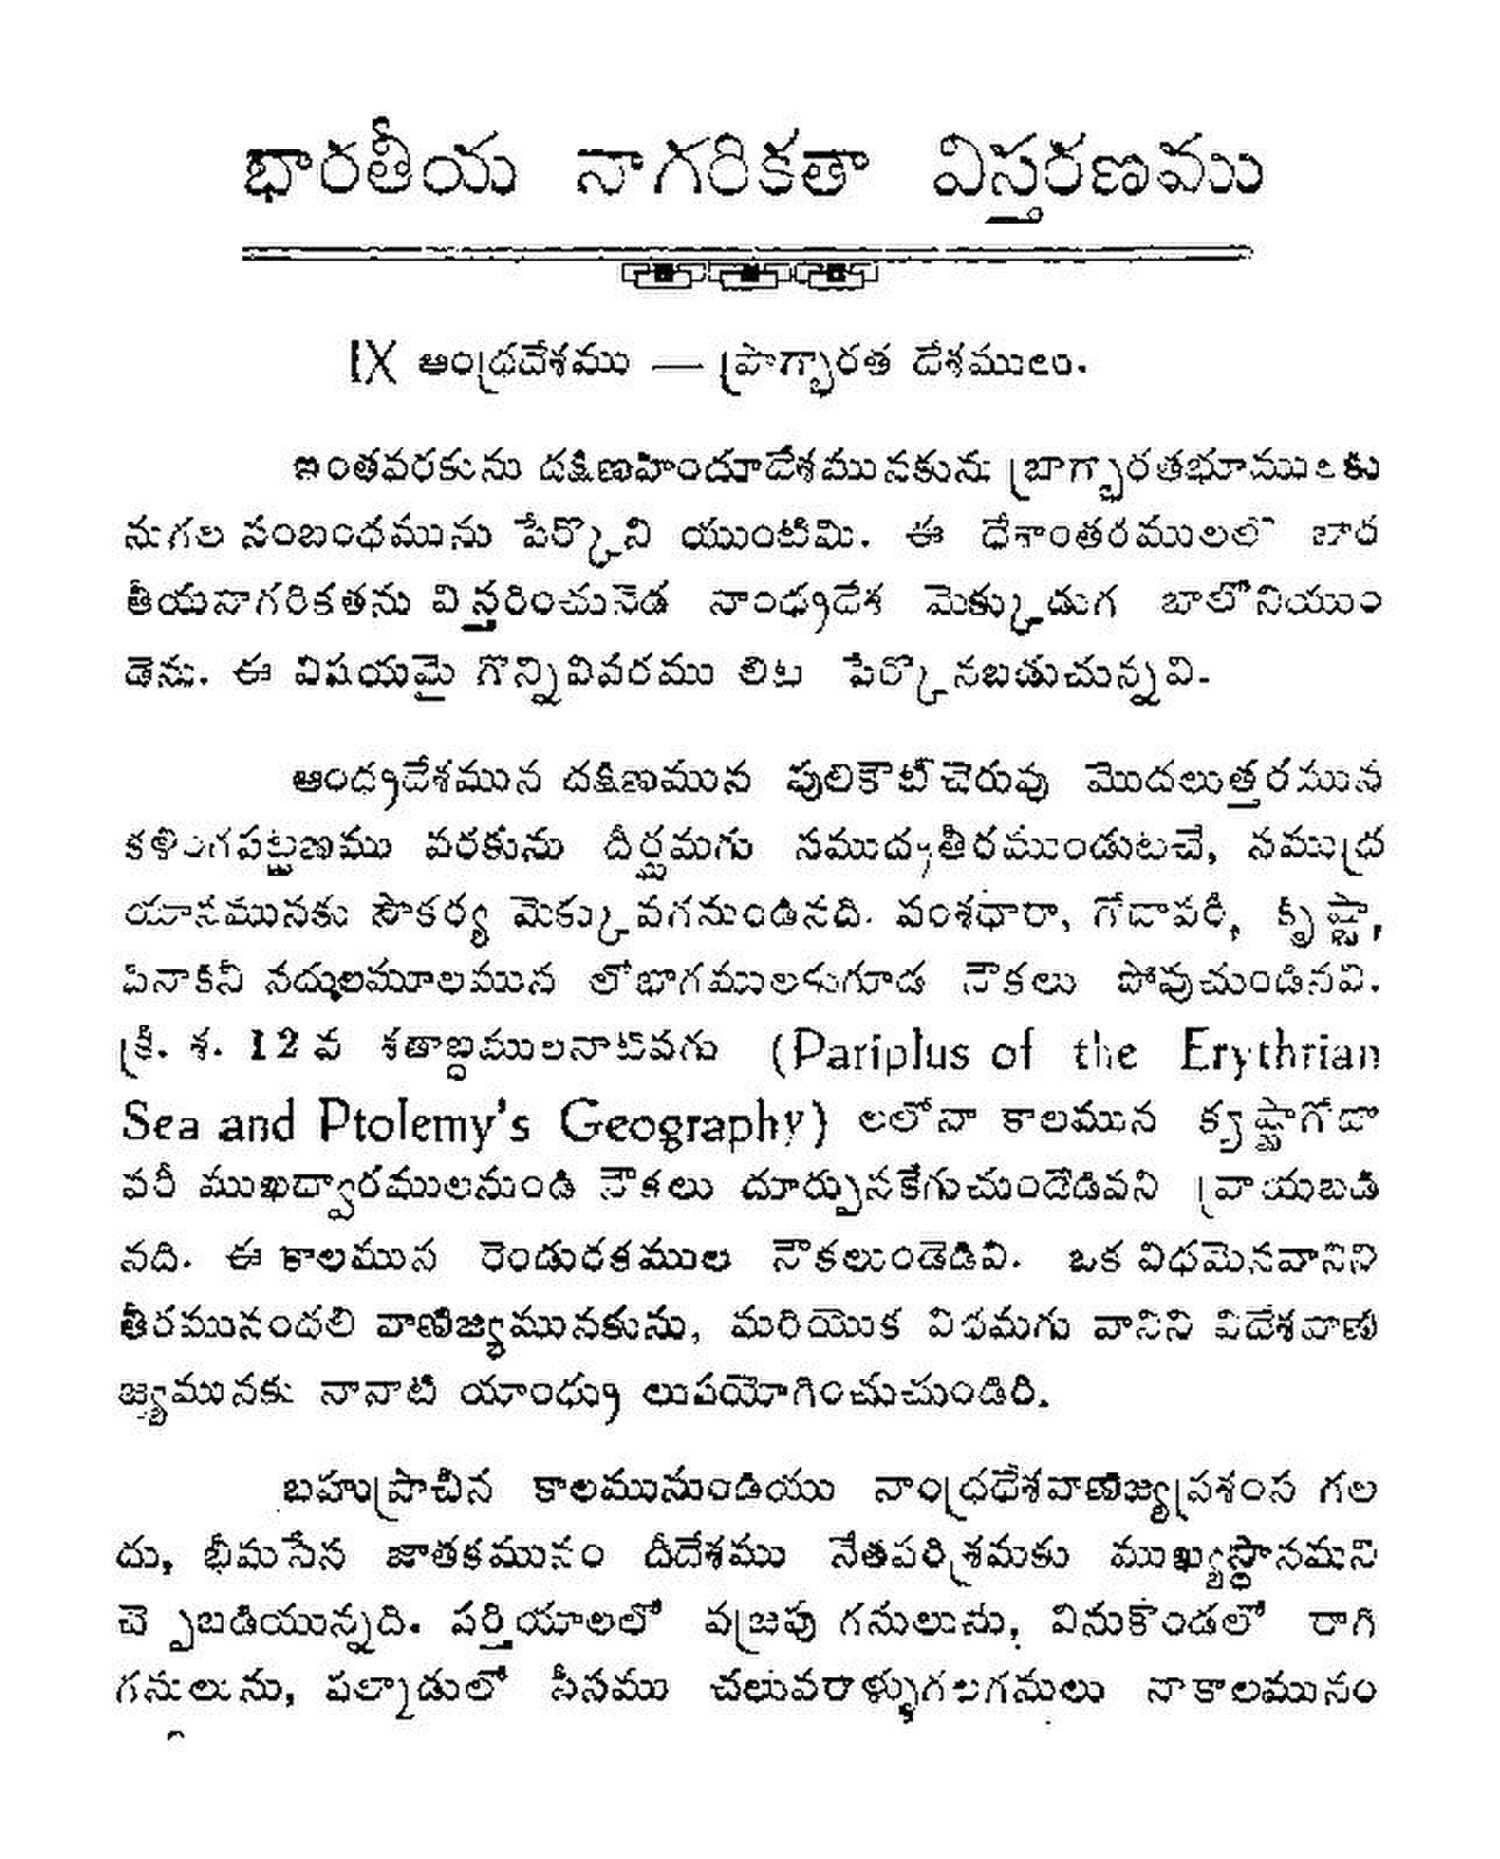ఇంతవరకును దక్షిణహిందూదేశమునకును బ్రాగ్భారతభూములకునుగల సంబంధమును పేర్కొని యుంటిమి. ఈ దేశాంతరములలో భారతీయనాగరికతను విస్తరించునెడ నాంధ్రదేశ మెక్కుడుగ బాల్గొనియుండెను. ఈ విషయమై గొన్నివివరము లిట పేర్కొనబడుచున్నవి.

ఆంధ్రదేశమున దక్షిణమున పులికాట్‌చెరువు మొదలుత్తరమున కళింగపట్టణము వరకును దీర్ఘమగు సముద్రతీర ముండుటచే, సముద్ర యానమునకు సౌకర్య మెక్కువగనుండినది. వంశధారా, గోదావరీ, కృష్ణా, పినాకినీ నదులమూలమున లోభాగములకుగూడ నౌకలు పోవుచుండినవి. క్రీ. శ. 12 వ శతాబ్దములనాటివగు (Pariplus of the Erythrian Sea and Ptolemy's Geography) లలోనా కాలమున కృష్ణాగోదావరీ ముఖద్వారములనుండి నౌకలు దూర్పునకేగుచుండెడివని వ్రాయబడినది. ఈ కాలమున రెండురకముల నౌకలుండెడివి. ఒక విధమైనవానిని తీరమునందలి వాణిజ్యమునకును, మరియొక విధమగు వానిని విదేశవాణిజ్యమునకు నానాటి యాంధ్రులుపయోగించు చుండిరి.

బహుప్రాచీన కాలమునుండియు నాంధ్రదేశవాణిజ్యప్రశంస గలదు, భీమసేన జాతకమునం దీదేశము నేతపరిశ్రమకు ముఖ్యస్థానమని చెప్పబడియున్నది. పర్తియాలలో వజ్రపు గనులును, వినుకొండలో రాగి గనులును, పల్నాడులో సీసము చలువరాళ్ళుగలగనులు నాకాలమునం